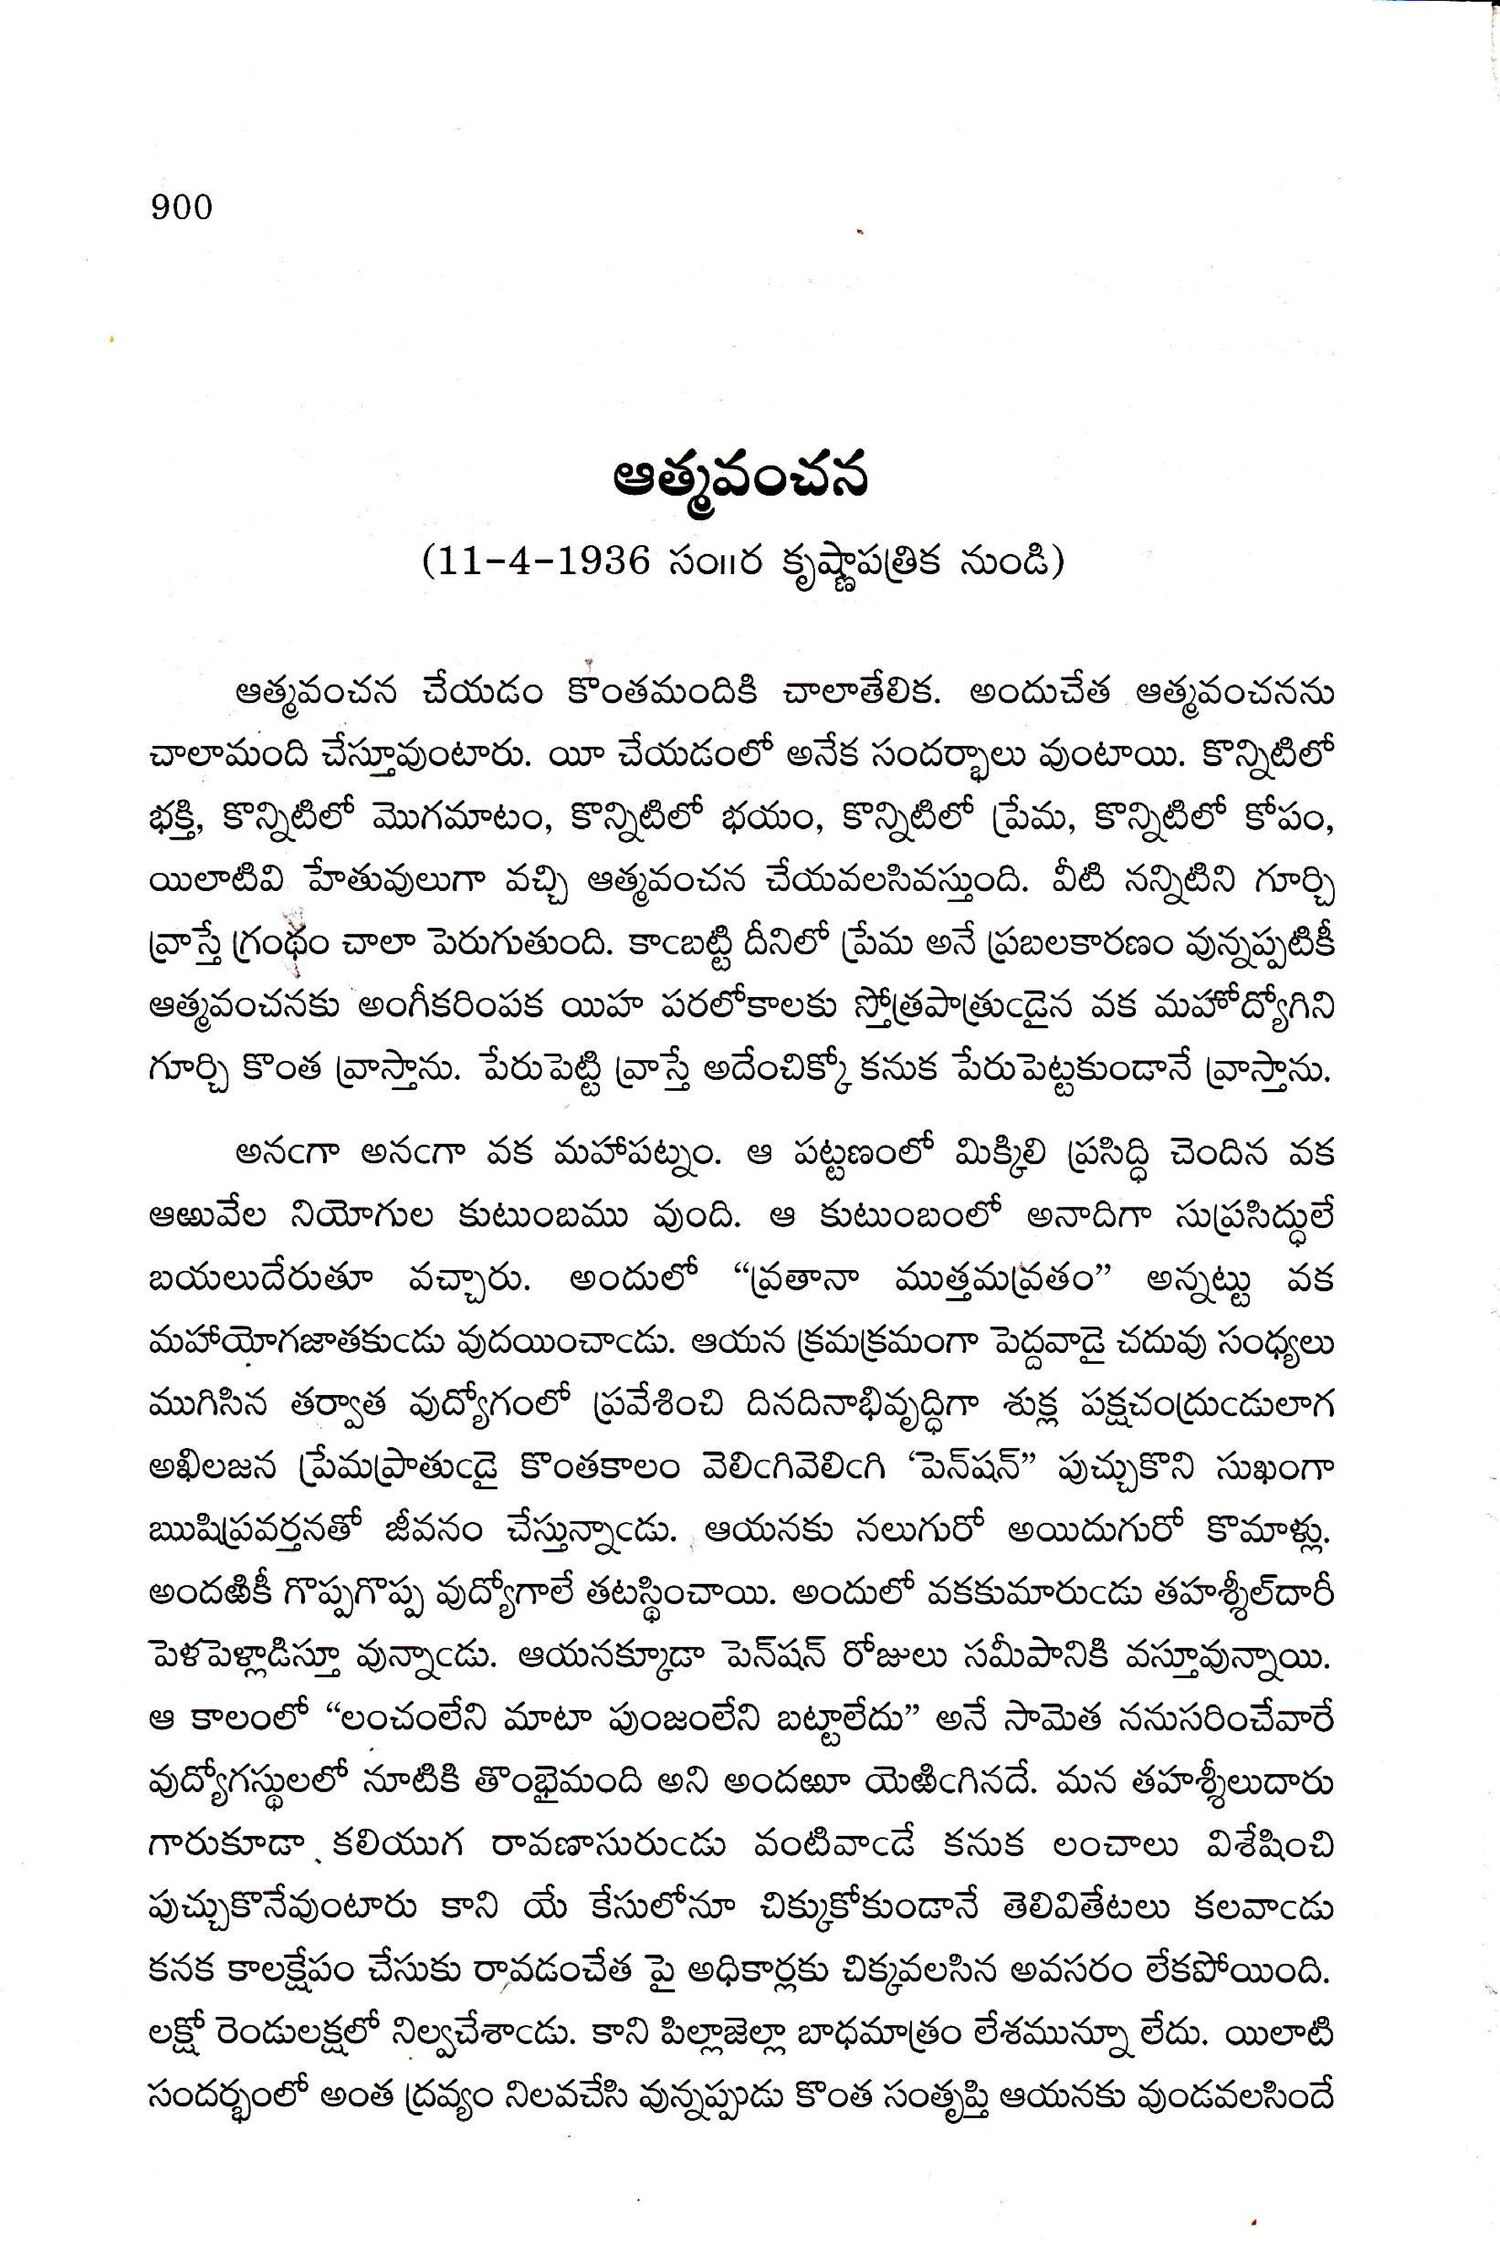ఆత్మవంచన
(11-4-1936 సం||ర కృష్ణాపత్రిక నుండి)

ఆత్మవంచన చేయడం కొంతమందికి చాలాతేలిక. అందుచేత ఆత్మవంచనను చాలామంది చేస్తూవుంటారు. యీ చేయడంలో అనేక సందర్భాలు వుంటాయి. కొన్నిటిలో భక్తి, కొన్నిటిలో మొగమాటం, కొన్నిటిలో భయం, కొన్నిటిలో ప్రేమ, కొన్నిటిలో కోపం, యిలాటివి హేతువులుగా వచ్చి ఆత్మవంచన చేయవలసివస్తుంది. వీటి నన్నిటిని గూర్చి వ్రాస్తే గ్రంథం చాలా పెరుగుతుంది. కాఁబట్టి దీనిలో ప్రేమ అనే ప్రబలకారణం వున్నప్పటికీ ఆత్మవంచనకు అంగీకరింపక యిహ పరలోకాలకు స్తోత్రపాత్రుఁడైన వక మహోద్యోగిని గూర్చి కొంత వ్రాస్తాను. పేరుపెట్టి వ్రాస్తే అదేంచిక్కో కనుక పేరుపెట్టకుండానే వ్రాస్తాను.

అనఁగా అనఁగా వక మహాపట్నం. ఆ పట్టణంలో మిక్కిలి ప్రసిద్ధి చెందిన వక ఆఱువేల నియోగుల కుటుంబము వుంది. ఆ కుటుంబంలో అనాదిగా సుప్రసిద్దులే బయలుదేరుతూ వచ్చారు. అందులో “వ్రతానా ముత్తమవ్రతం" అన్నట్టు వక మహాయోగజాతకుఁడు వుదయించాఁడు. ఆయన క్రమక్రమంగా పెద్దవాడై చదువు సంధ్యలు ముగిసిన తర్వాత వుద్యోగంలో ప్రవేశించి దినదినాభివృద్ధిగా శుక్ల పక్షచంద్రుఁడులాగ అఖిలజన ప్రేమప్రాతుఁడై కొంతకాలం వెలిఁగివెలిఁగి "పెన్‌షన్" పుచ్చుకొని సుఖంగా ఋషిప్రవర్తనతో జీవనం చేస్తున్నాఁడు. ఆయనకు నలుగురో అయిదుగురో కొమాళ్లు, అందఱికీ గొప్పగొప్ప వుద్యోగాలే తటస్థించాయి. అందులో వకకుమారుఁడు తహశీల్‌దారీ పెళపెళ్లాడిస్తూ వున్నాఁడు. ఆయనక్కూడా పెన్‌షన్ రోజులు సమీపానికి వస్తూవున్నాయి. ఆ కాలంలో "లంచంలేని మాటా పుంజంలేని బట్టాలేదు" అనే సామెత ననుసరించేవారే వుద్యోగస్థులలో నూటికి తొంభైమంది అని అందఱూ యెఱిఁగినదే. మన తహశ్శీలుదారు గారుకూడా కలియుగ రావణాసురుఁడు వంటివాఁడే కనుక లంచాలు విశేషించి పుచ్చుకొనేవుంటారు కాని యే కేసులోనూ చిక్కుకోకుండానే తెలివితేటలు కలవాఁడు కనక కాలక్షేపం చేసుకు రావడంచేత పై అధికార్లకు చిక్కవలసిన అవసరం లేకపోయింది. లక్షో రెండులక్షలో నిల్వచేశాఁడు. కాని పిల్లాజెల్లా బాధమాత్రం లేశమున్నూ లేదు. యిలాటి సందర్భంలో అంత ద్రవ్యం నిలవచేసి వున్నప్పుడు కొంత సంతృప్తి ఆయనకు వుండవలసిందే